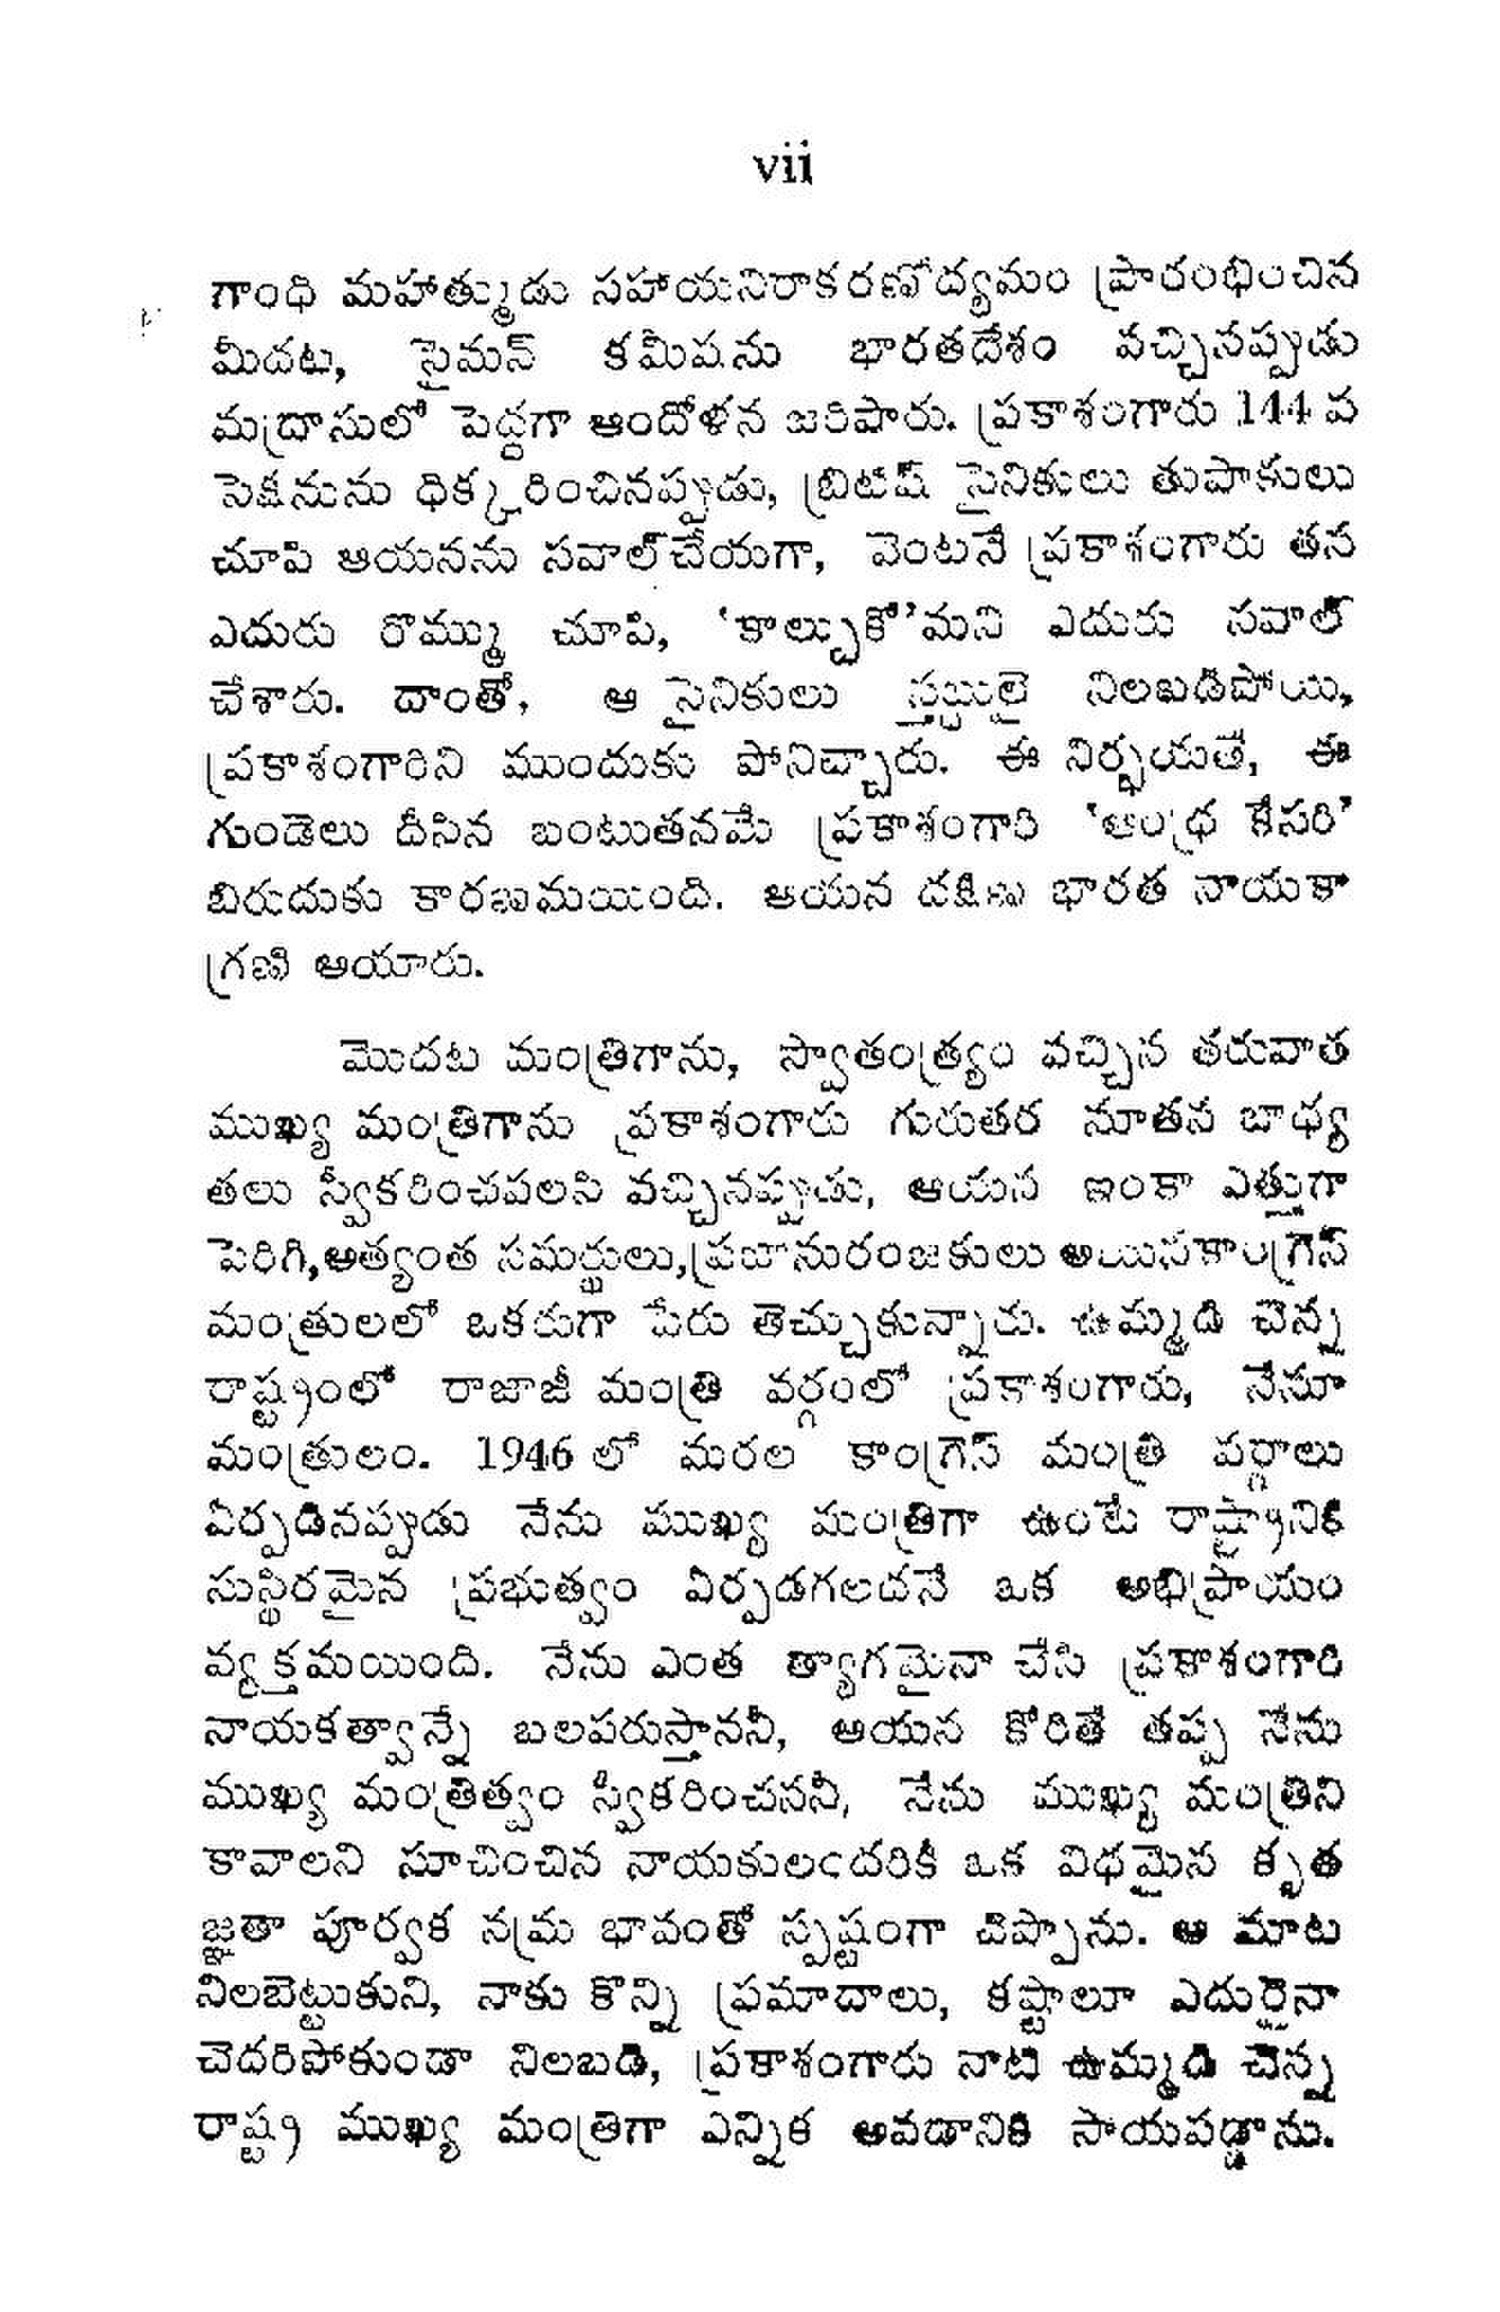గాంధి మహాత్ముడు సహాయనిరాకరణోద్యమం ప్రారంభించిన మీదట, సైమన్ కమీషను భారతదేశం వచ్చినప్పుడు మద్రాసులో పెద్దగా ఆందోళన జరిపారు. ప్రకాశంగారు 144 వ సెక్షను ధిక్కరించి నప్పుడు, బ్రిటిష్ సైనికులు తుపాకులు చూపి ఆయనను సవాల్‌చేయగా, వెంటనే ప్రకాశంగారు తన ఎదురు రొమ్ము చూపి, 'కాల్చుకో'మని ఎదురు సవాల్ చేశారు. దాంతో, ఆ సైనికులు స్తబ్దులై నిలబడిపోయి, ప్రకాశంగారిని ముందుకు పోనిచ్చారు. ఈ నిర్భయతే, ఈ గుండెలు దీసిన బంటు తనమే ప్రకాశంగారి 'ఆంధ్ర కేసరి' బిరుదుకు కారణమయింది. ఆయన దక్షిణ భారత నాయకాగ్రణి అయారు.

మొదట మంత్రిగాను, స్వాతంత్ర్యం వచ్చిన తరువాత ముఖ్య మంత్రిగాను ప్రకాశంగారు గురుతర నూతన బాధ్యతలు స్వీకరించవలసి వచ్చినప్పుడు, ఆయన ఇంకా ఎత్తుగా పెరిగి, అత్యంత సమర్థులు, ప్రజానురంజకులు అయిన కాంగ్రెస్ మంత్రులలో ఒకరుగా పేరు తెచ్చుకున్నారు. ఉమ్మడి చెన్నరాష్ట్రంలో రాజాజీ మంత్రి వర్గంలో ప్రకాశంగారు, నేనూ మంత్రులం. 1946 లో మరల కాంగ్రెస్ మంత్రి వర్గాలు ఏర్పడినప్పుడు నేను ముఖ్య మంత్రిగా ఉంటే రాష్ట్రానికి సుస్థిరమైన ప్రభుత్వం ఏర్పడగలదనే ఒక అభిప్రాయం వ్యక్తమయింది. నేను ఎంత త్యాగమైనా చేసి ప్రకాశంగారి నాయకత్వాన్నే బలపరుస్తాననీ, ఆయన కోరితే తప్ప నేను ముఖ్య మంత్రిత్వం స్వీకరించననీ, నేను ముఖ్య మంత్రిని కావాలని సూచించిన నాయకులందరికీ ఒక విధమైన కృతజ్ఞతా పూర్వక నమ్ర భావంతో స్పష్టంగా చెప్పాను. అ మాట నిలబెట్టుకుని, నాకు కొన్ని ప్రమాదాలు, కష్టాలూ ఎదురైనా చెదరిపోకుండా నిలబడి, ప్రకాశంగారు నాటి ఉమ్మడి చెన్నరాష్ట్ర ముఖ్య మంత్రిగా ఎన్నిక అవడానికి సాయపడ్డాను.